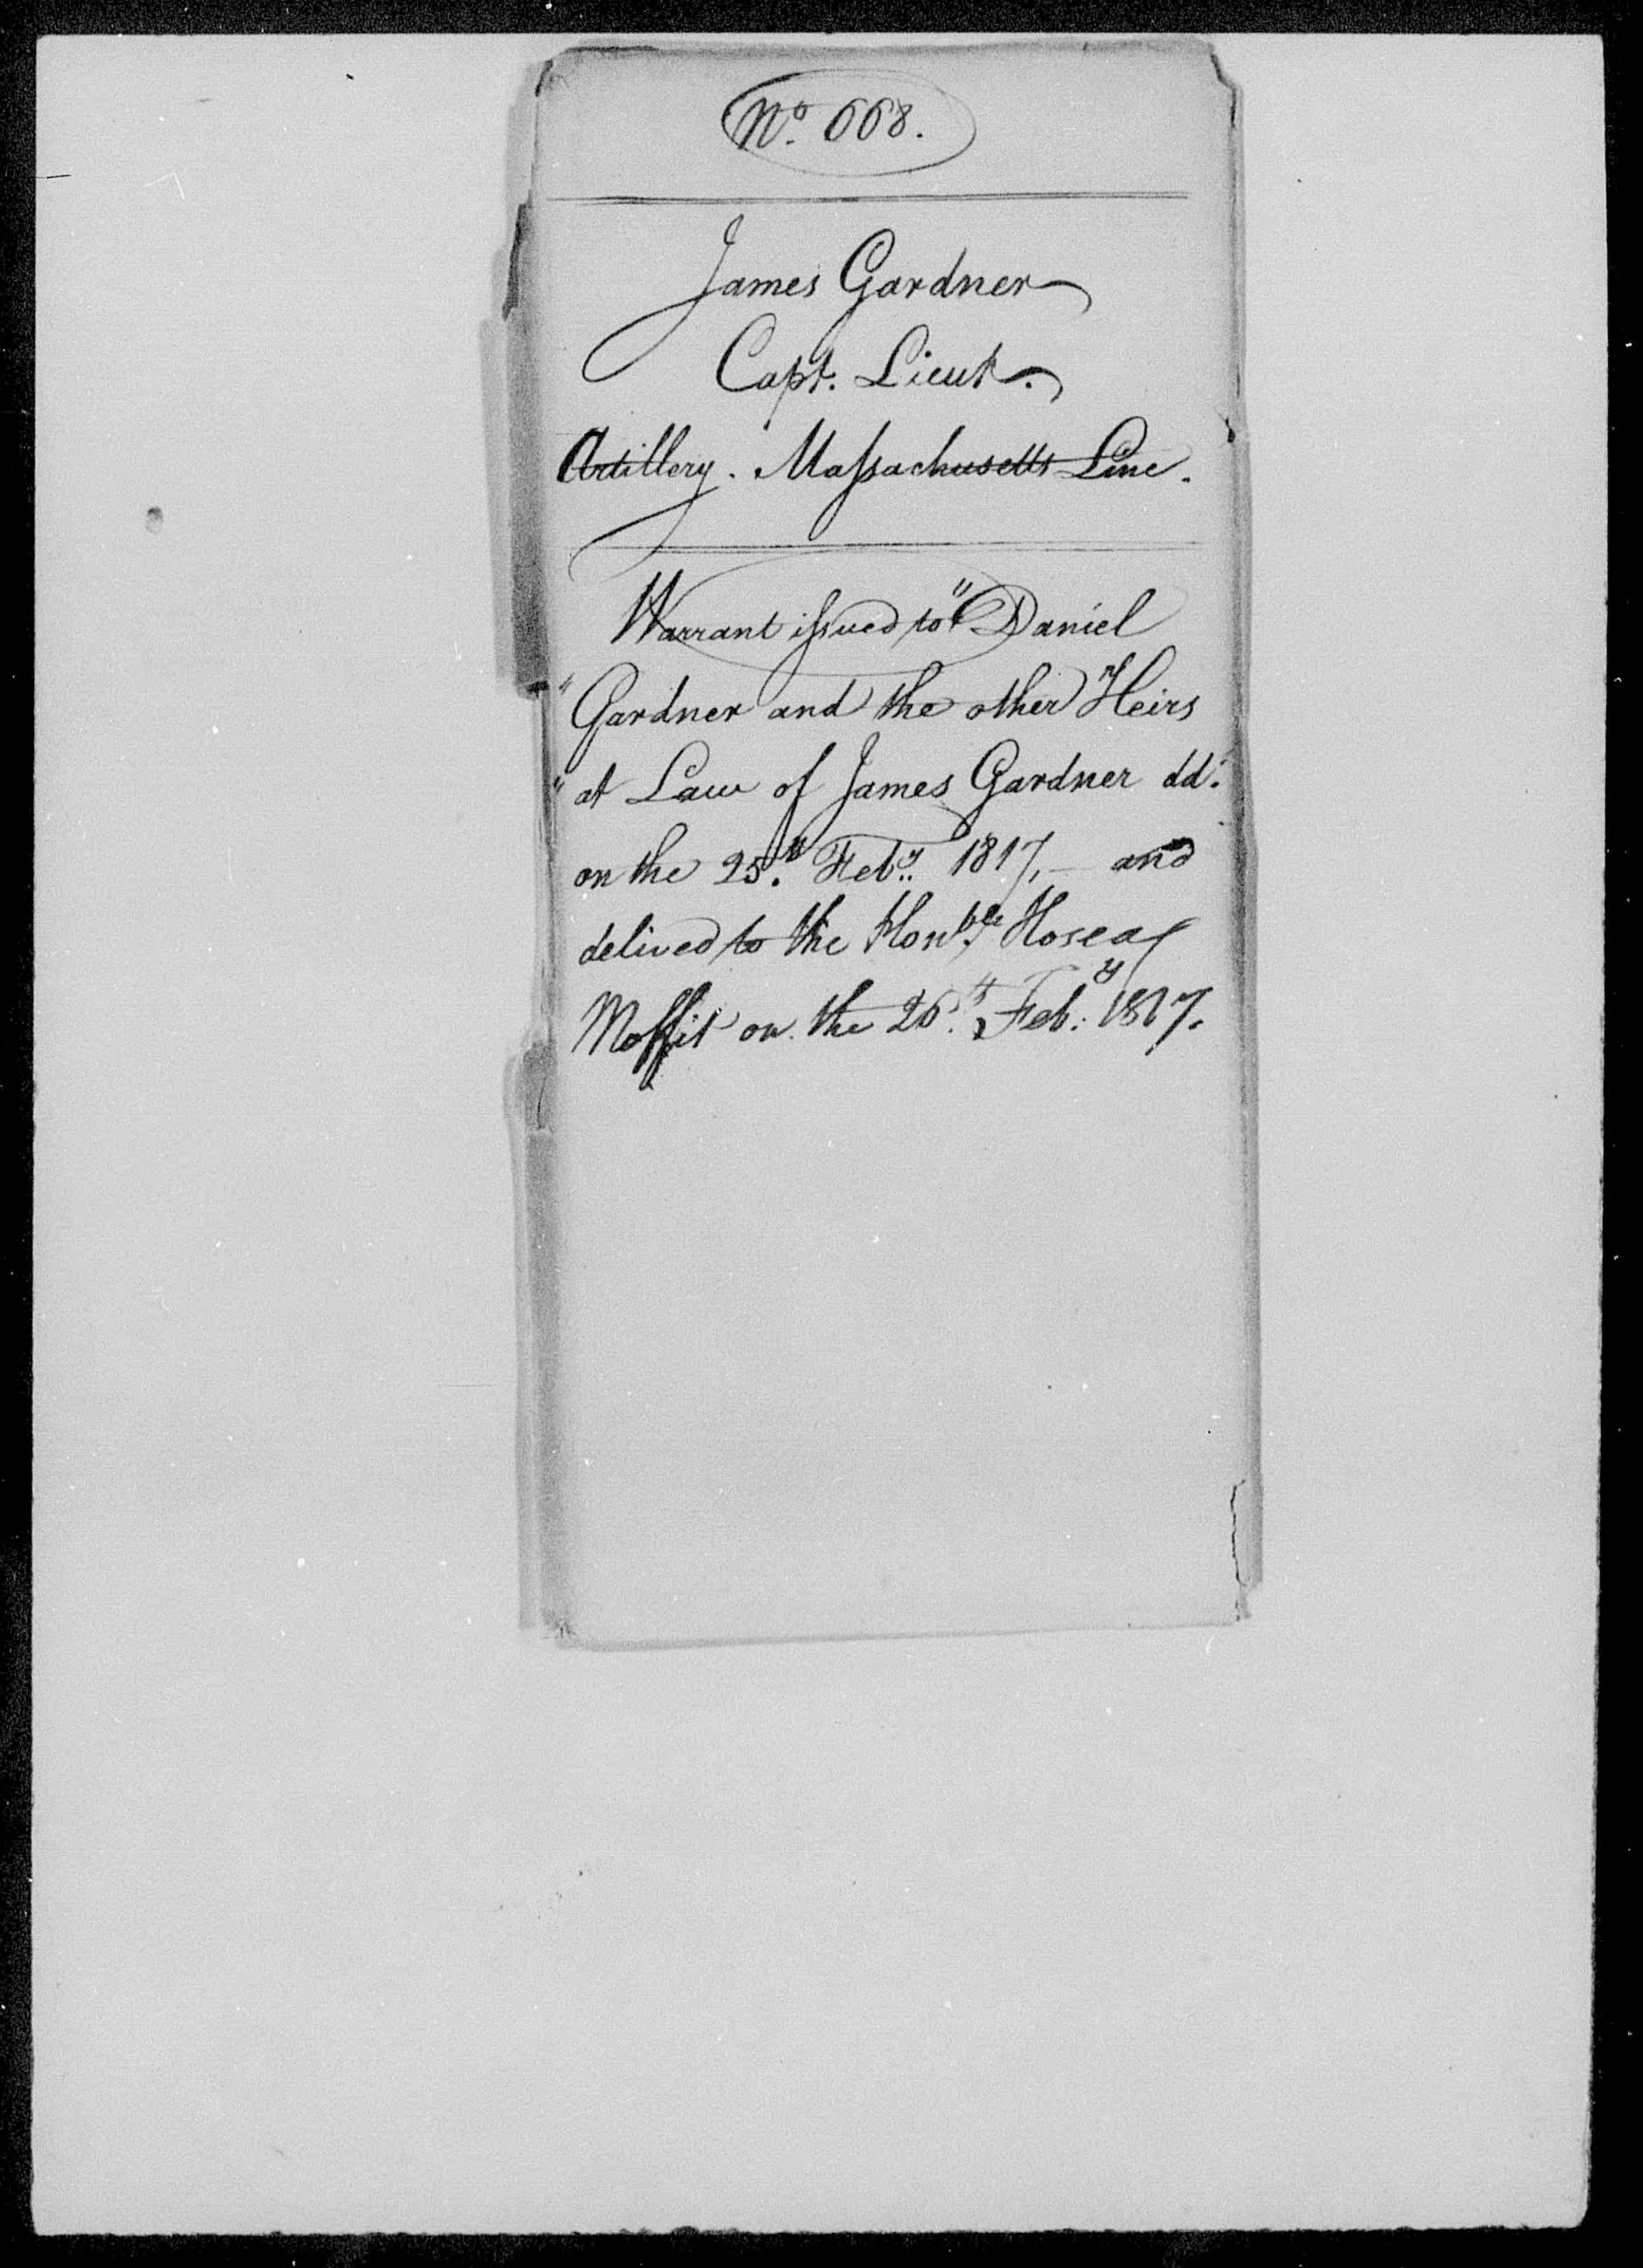No. 668. 
James Gardner 
Capt. Lieut. Artillery. Massachusetts Line. 
Warrant issued to “Daniel Gardner and the other Heirs at Law of James Gardner dd. on the 25th Feby 1817, and delived to the Honble Hosea Moffit on the 26th Feby. 1817.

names: Daniel Gardner, James Gardner, James Gardner, Hosea Moffit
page: 2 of 18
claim: bounty land warrant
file: B. L. Wt. 668-200, James Gardner, Continental Artillery Parents Of N.Y.